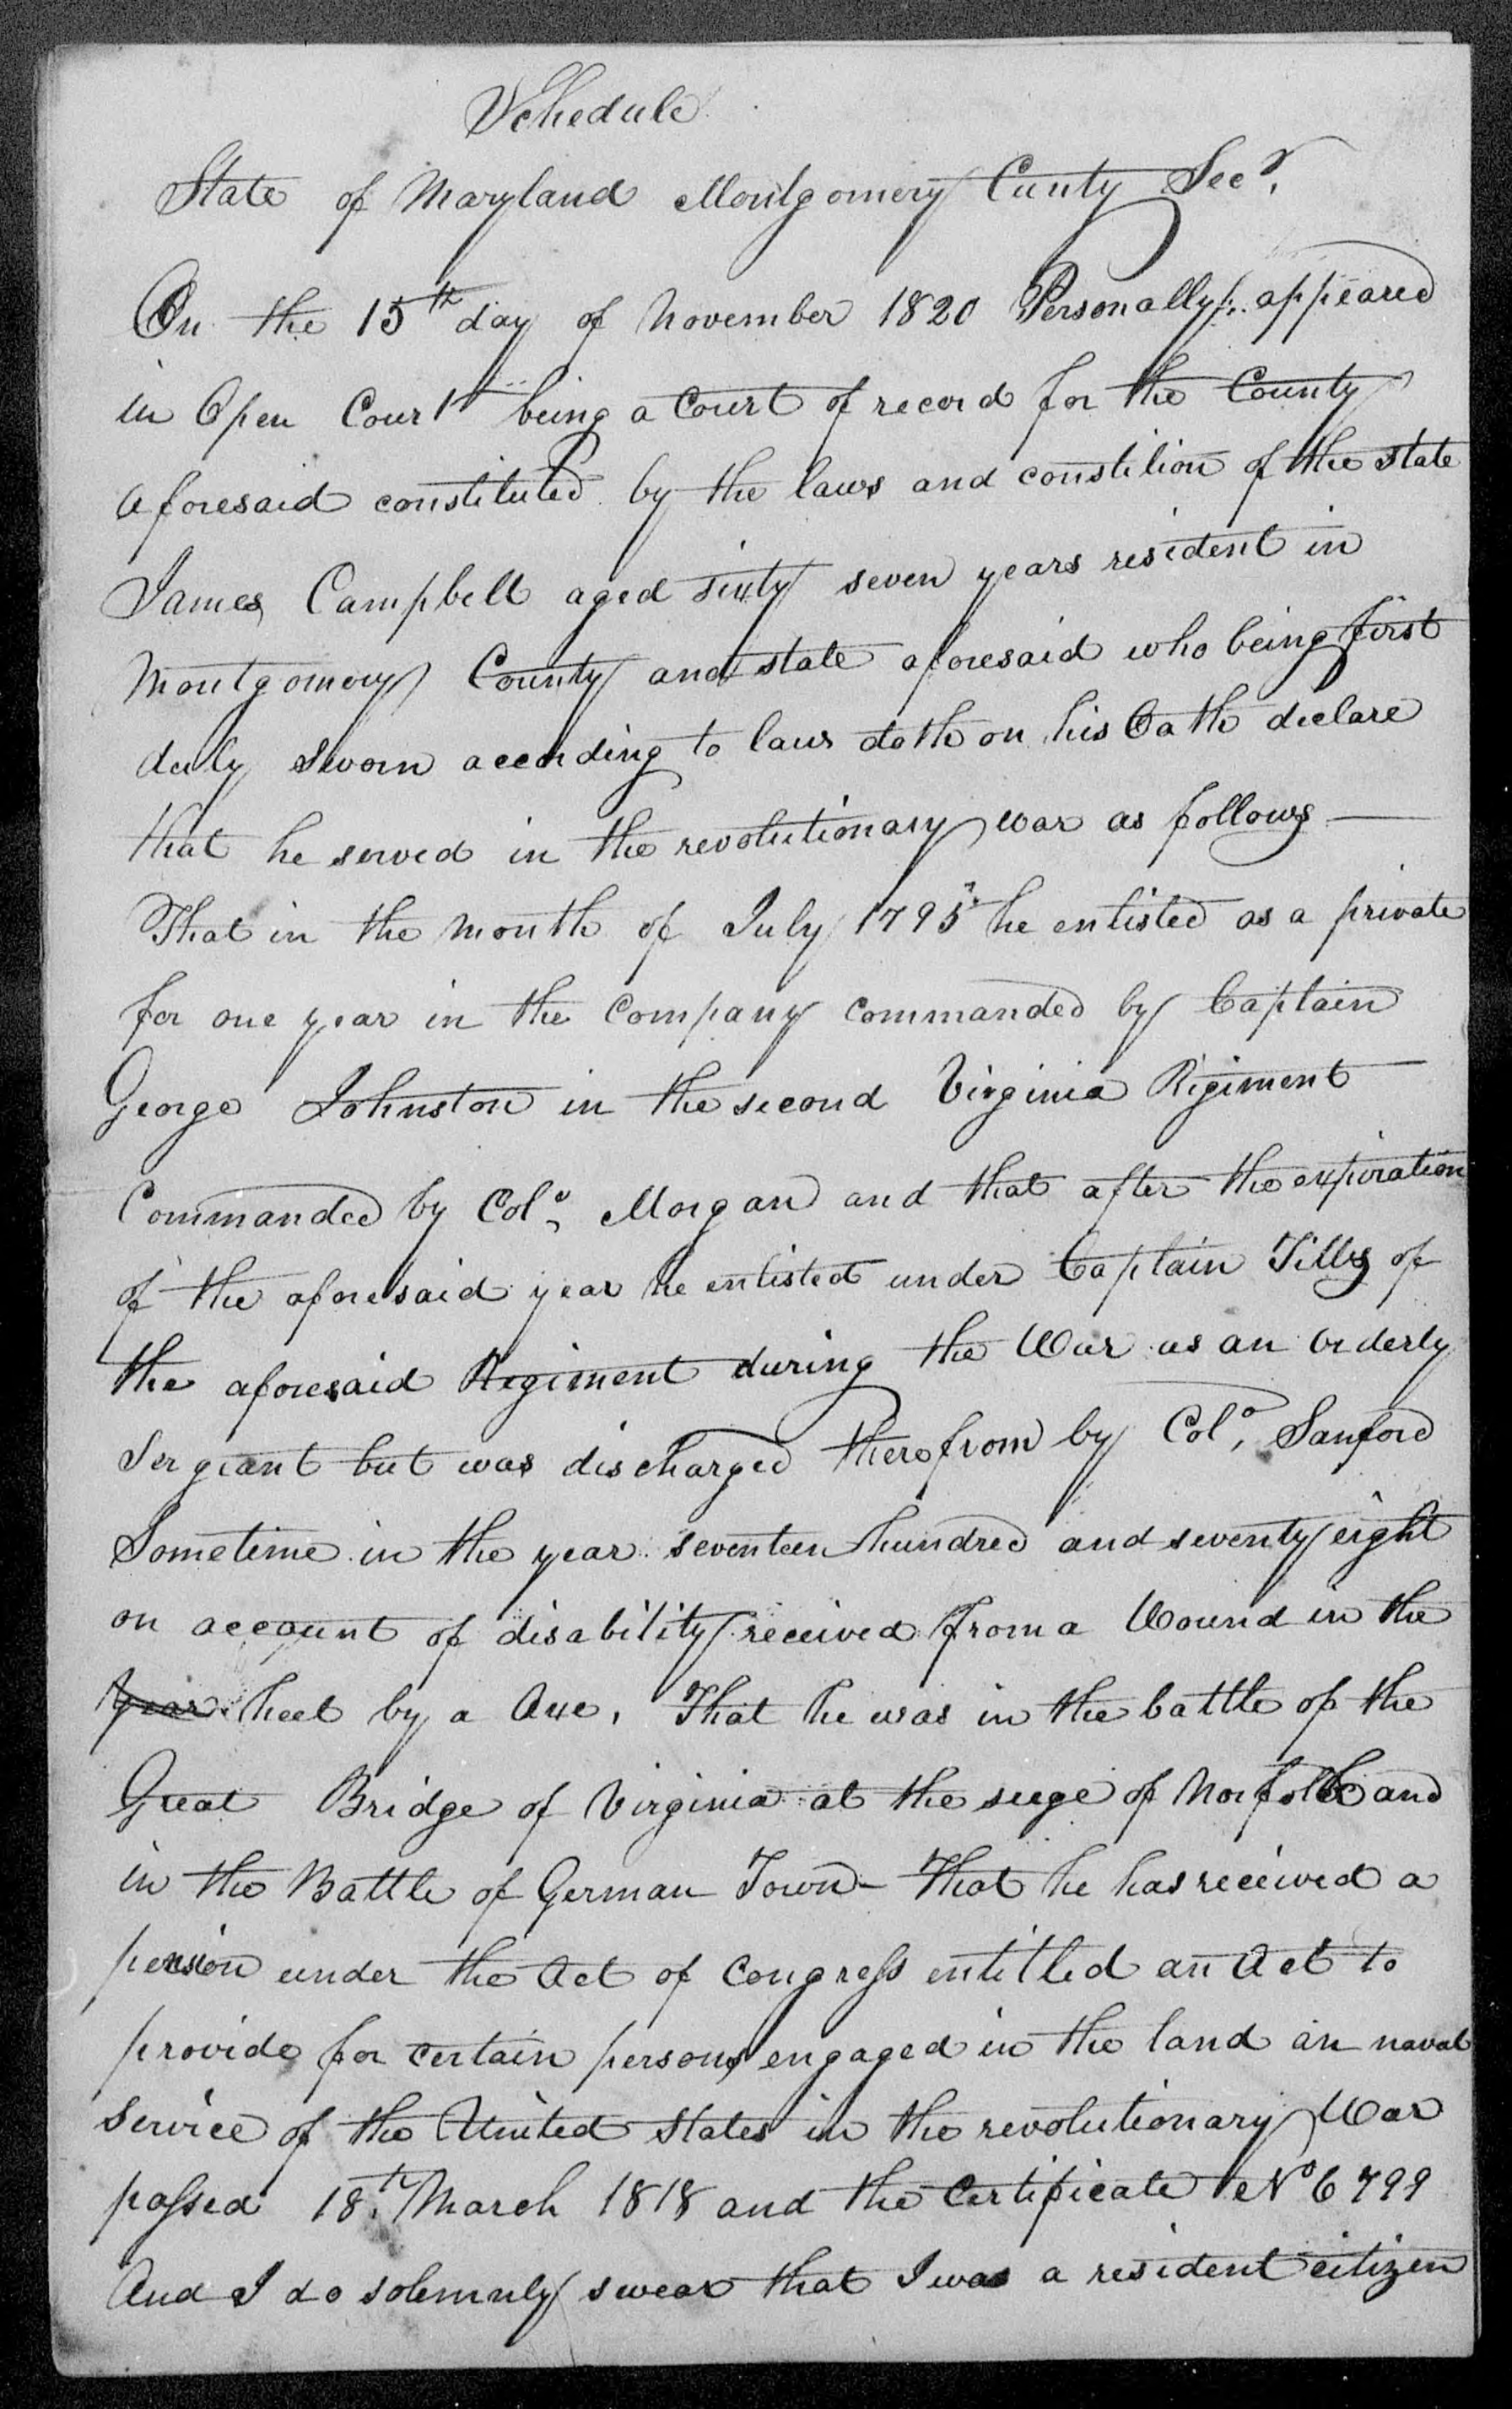Schedule
State of Maryland Montgomery County Sect.
On the 15th day of November 1820 Personally appeared in Open Court being a court of record for the County aforesaid constituted by the laws and constition (constitution) of the state James Campbell aged sixty seven years resident in Montgomery County and state aforesaid who being first duly sworn according to laws doth on his Oath declare that he served in the revolutionary war as follows --
That in the month of July 1795^? he enlisted as a private for one year in the company commanded by Captain George Johnston in the second Virginia Regiment - commanded by Colo. Morgan and that after the expiration of the aforesaid year he enlisted under Captain Tilly of the aforesaid Regiment during the War as an orderly Sergeant but was discharged therefrom by Colo. Sanford Sometime in the year seventeen hundred and seventy eight on account of disability received from a Wound in the (year crossed out) heel by a Axe. That he was in the battle of the Great Bridge of Virginia at the siege of Norfolk and in the Battle of German Town That he has received a pension under the Act of Congress entitled an Act to provide for certain person engaged in the land and naval Service of the United States in the revolutionary War passed 18th March 1818 and the certificate No. 6799 And I do solemnly swear that I was a resident citizen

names: George Johnston, Sanford, James Campbell, Morgan, Tilly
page: 5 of 47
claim: widow's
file: W. 25384, James Campbell, Va.